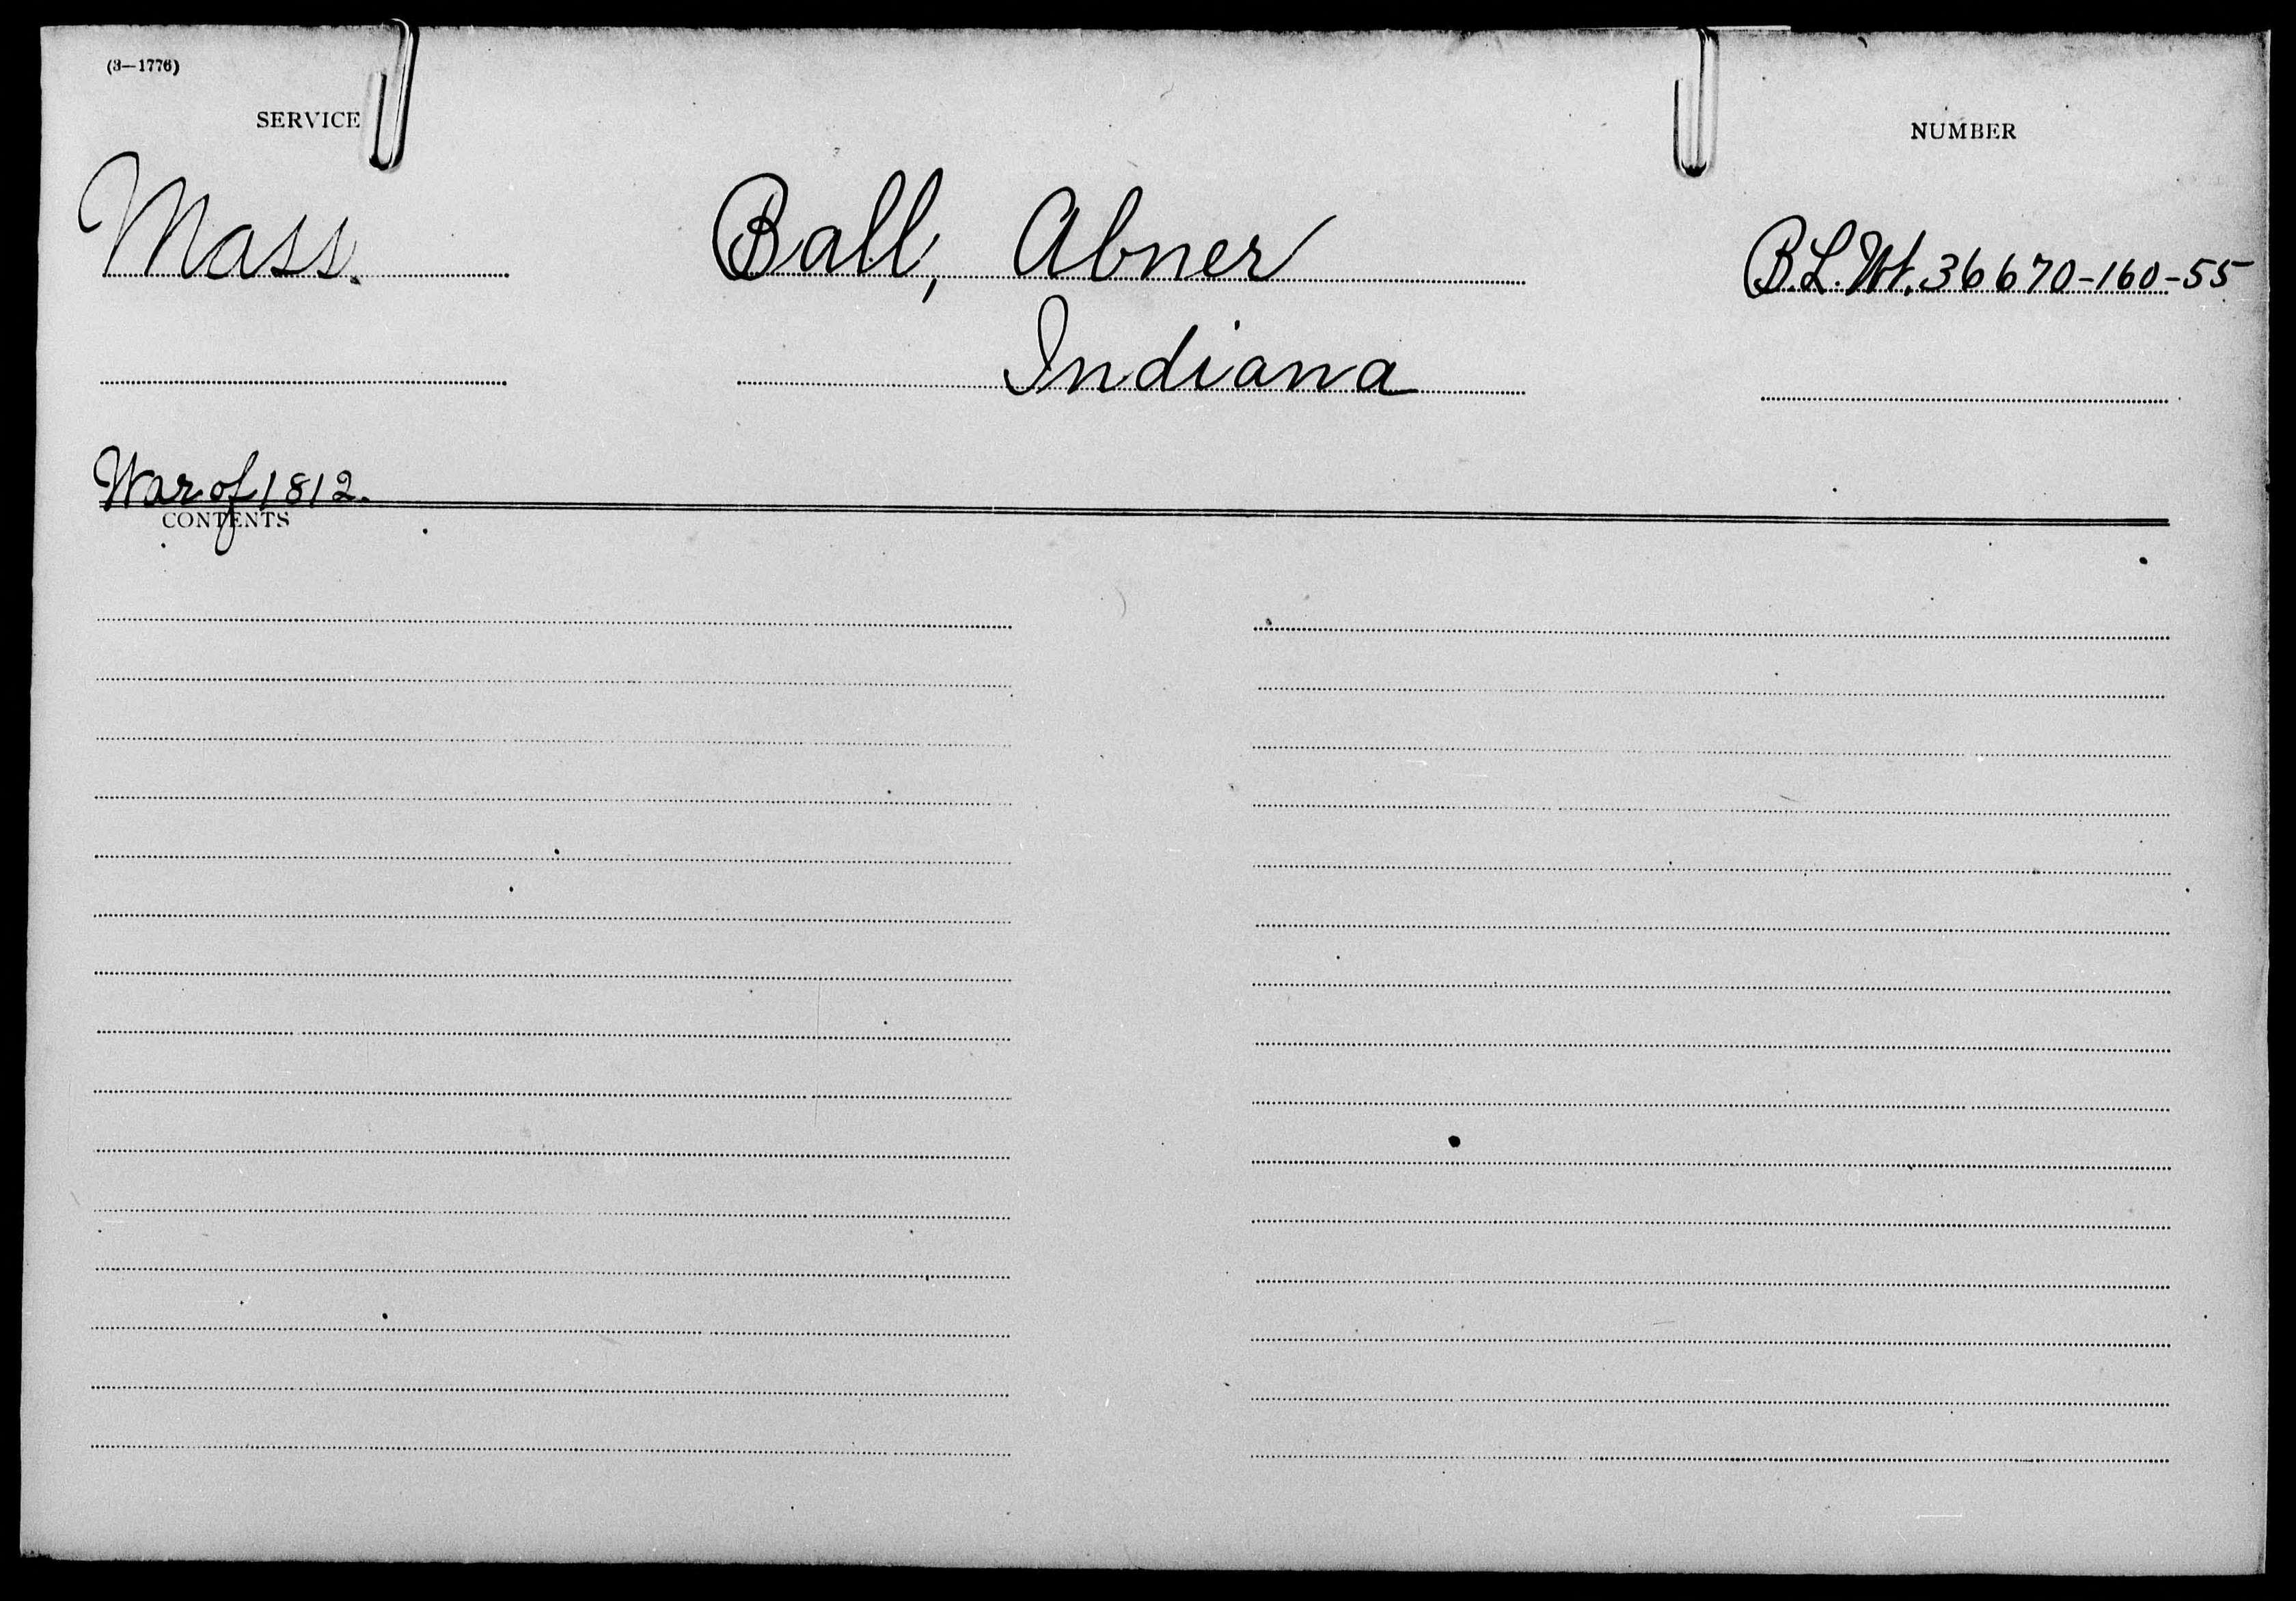Service Number
Mass. Ball, Abner B.L.Wt. 36670-160-55
War of 1812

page: 1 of 16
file: B. L. Wt, 36670-160-55, Abner Ball, Mass.